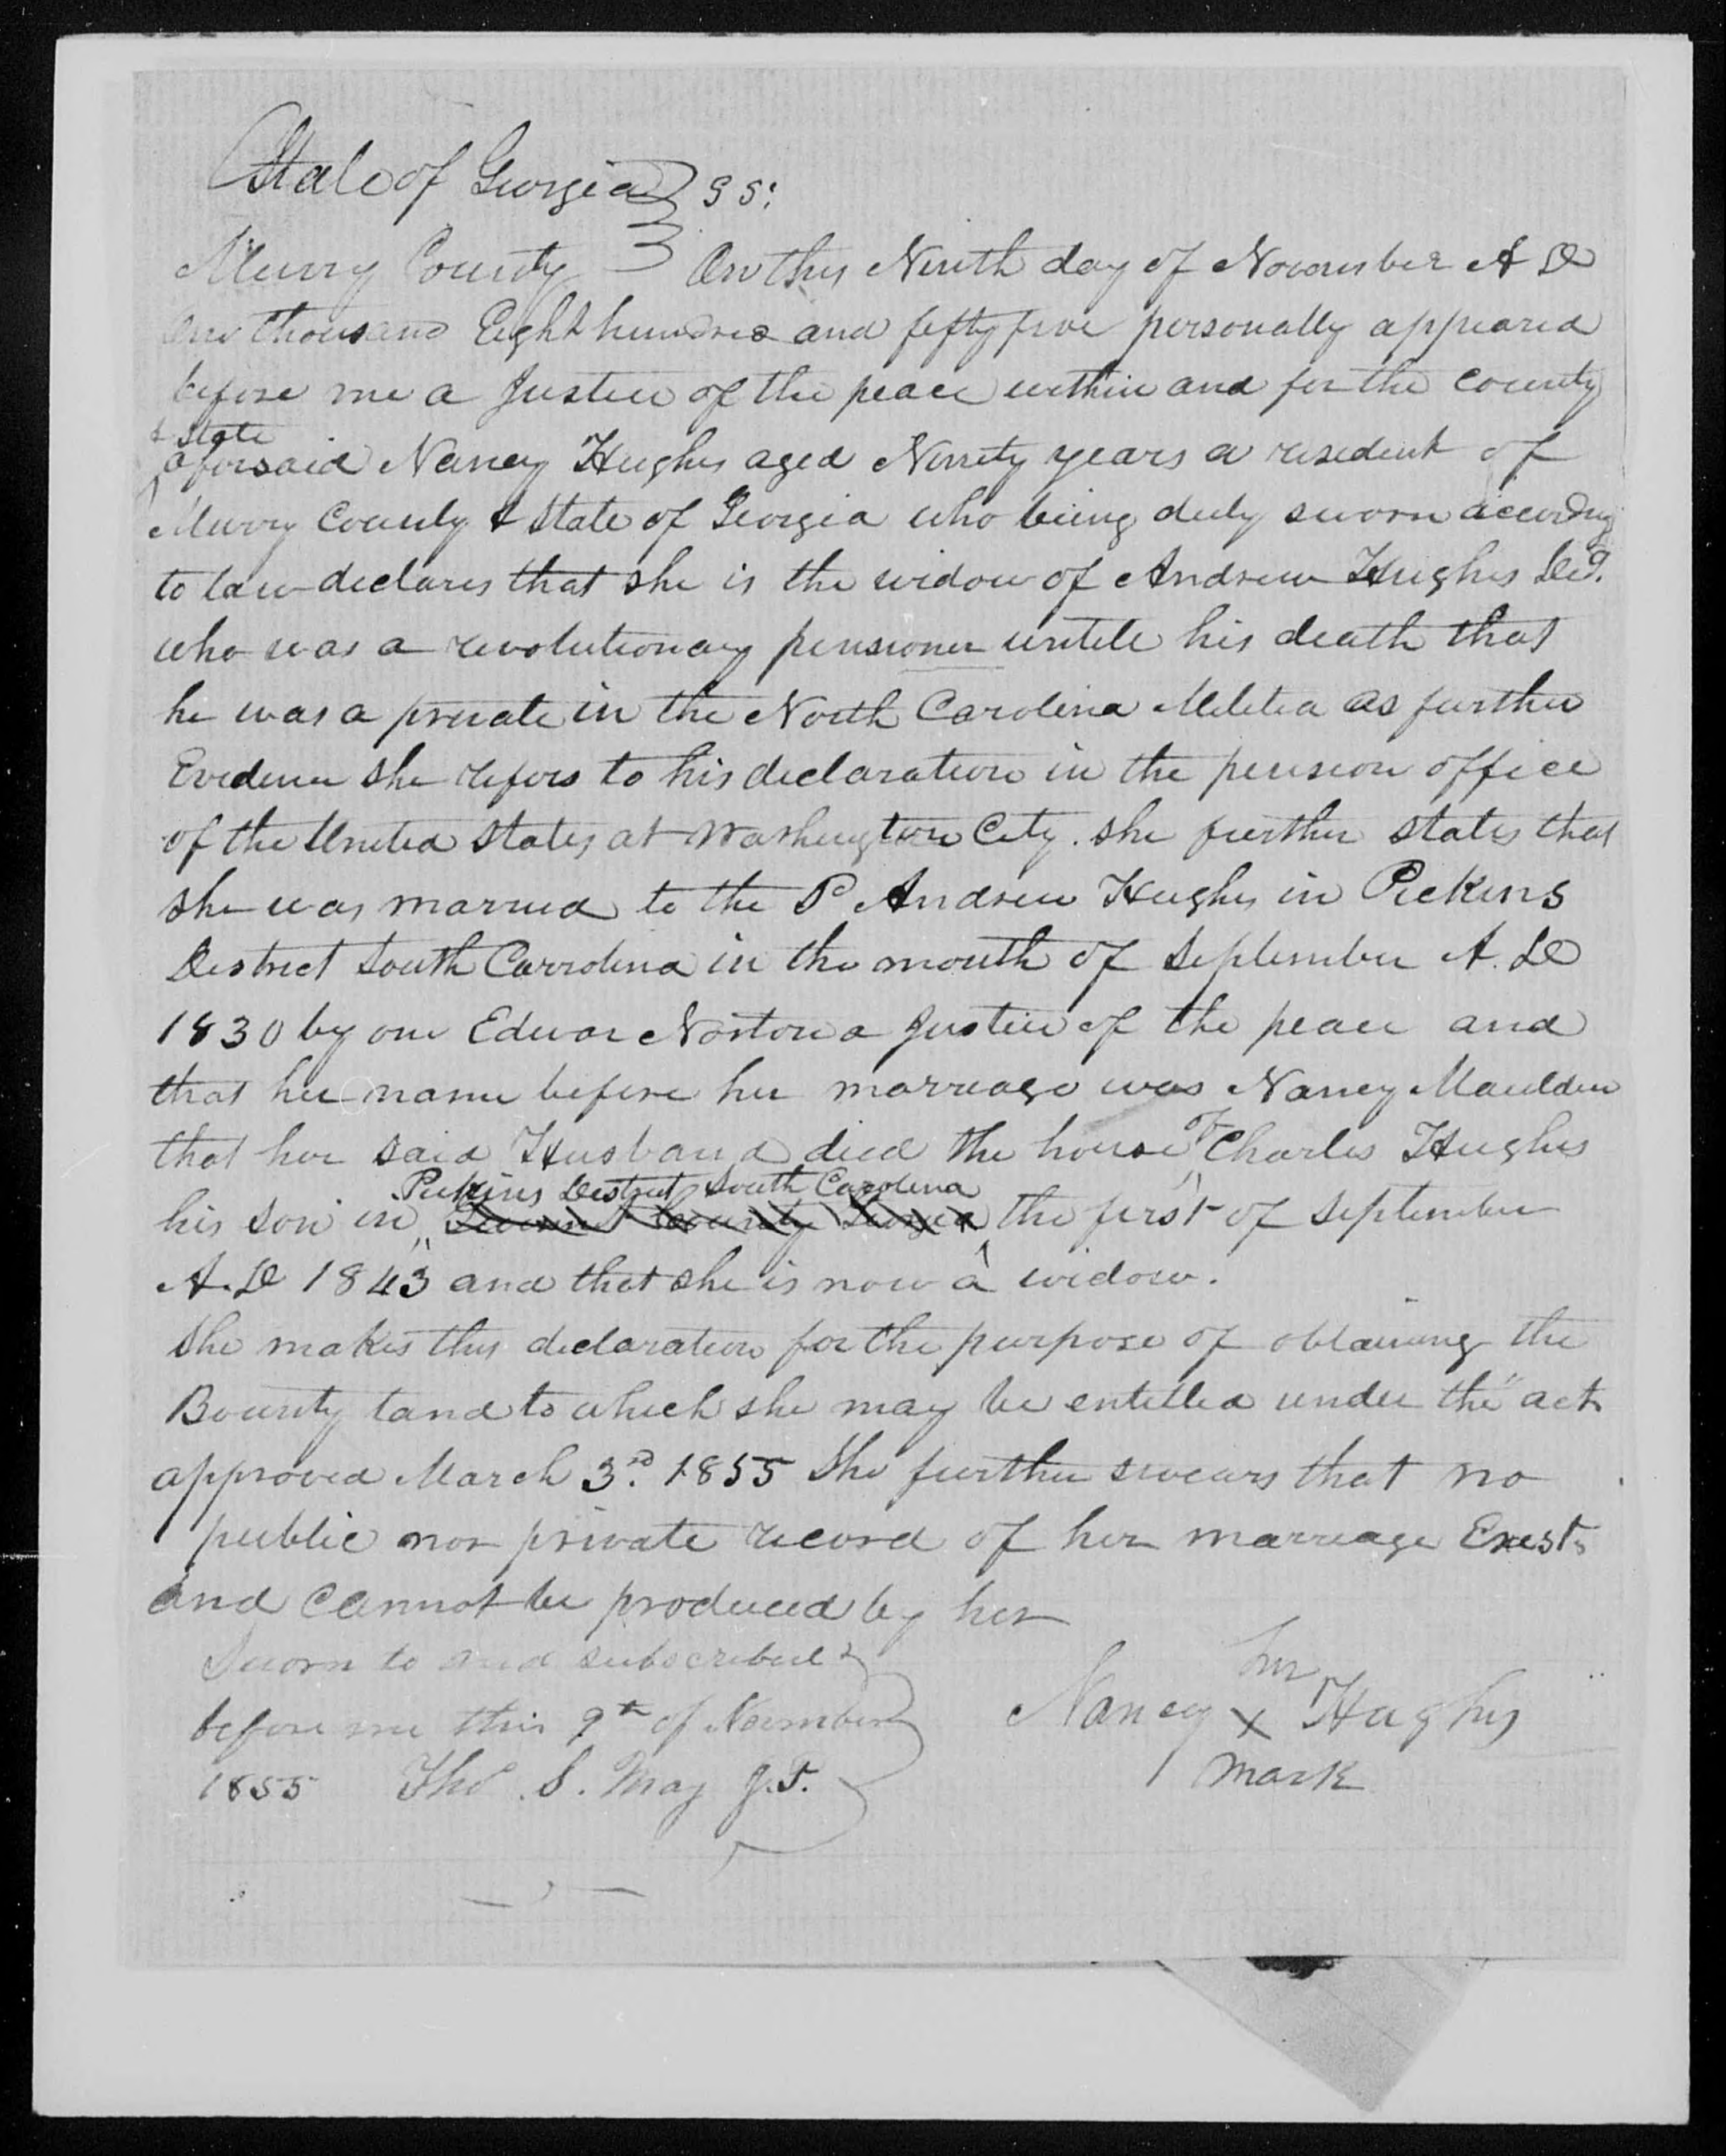State of Georgia ⎬ SS Merry County ⎬ On this Ninth day of November AD one thousand Eight hundred and fifty five personally appeared before me a Justice of the peace within and for the County [inserted & state] aforesaid Nancy Hughes aged Ninety years a resident of Surry County & State of Georgia who being duly sworn according to law declares that she is the widow of Andrew Hughes decd. who was a revolutionary pensioner untill his death that he was a private in the North Carolina Militia as further Evidence she refers to his declaration in the pension office of the United States at Washington City. she further states that she was married to the P Andrew Hughes in Pickins District South Carrolina in the month of September A.D 1830 by one Edward Norton a Justice of the peace and that her name before her marriage was Nancy Maulden that her said Husband died the house [inserted of] Charles Hughes his son in [inserted Pickens District South Carolina] [crossed illegible County Georgia] the first of September A.D 1843 and that she is now a widow. She makes this declaration for the purpose of obtaining the Bounty land to which she may be entitled under the act approved March 3rd 1855 She further swears that no public nor private record of her marriage Exists and cannot be produced by her Sworn to and subscribed before me this 9th of November 1855 Thos S. May J.P. Nancy X Hughes her Mark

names: Thos S May, Edwar Norton, Andrew Hughes, Charles Hughes, Nancy Maulden, Nancy Hughes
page: 9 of 75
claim: widow's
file: W. 25805, Andrew Hughes, N.C.